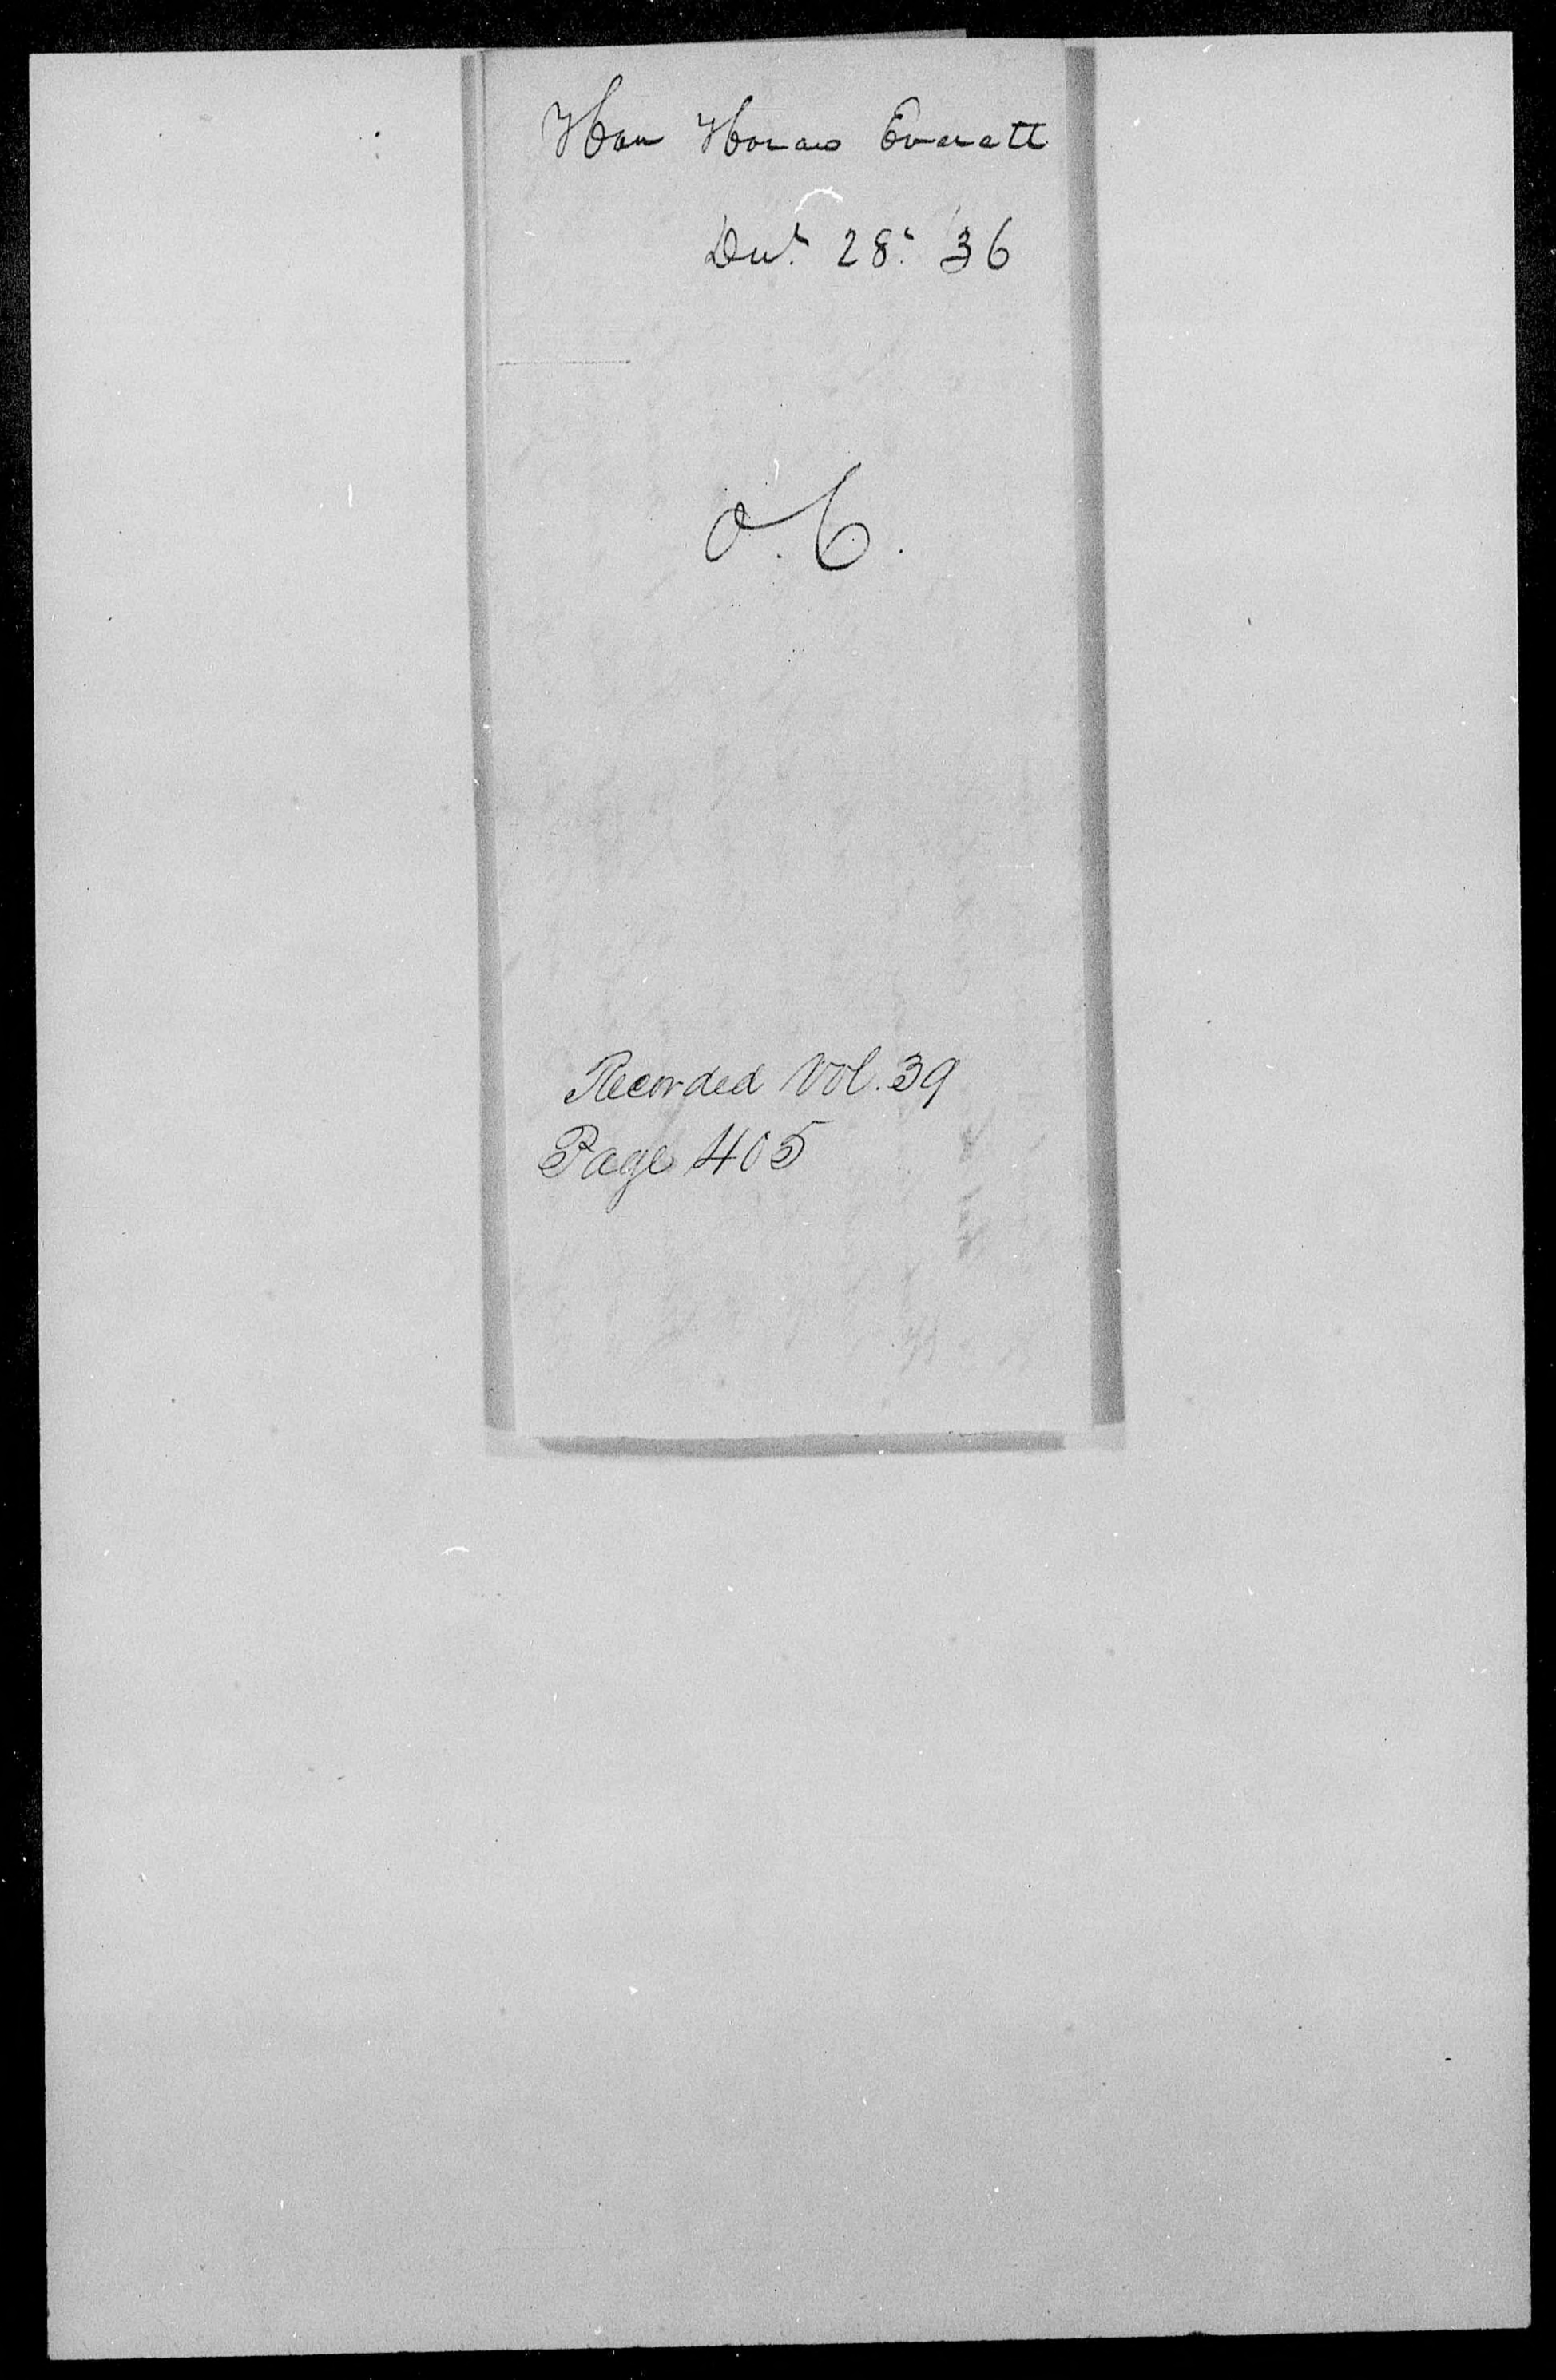Hon Horace Everett Dec 28 36
as
recorded vol 39 page 405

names: Horace Everett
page: 19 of 42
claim: rejected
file: R. 2,625, Benjamin Dake, R.I.